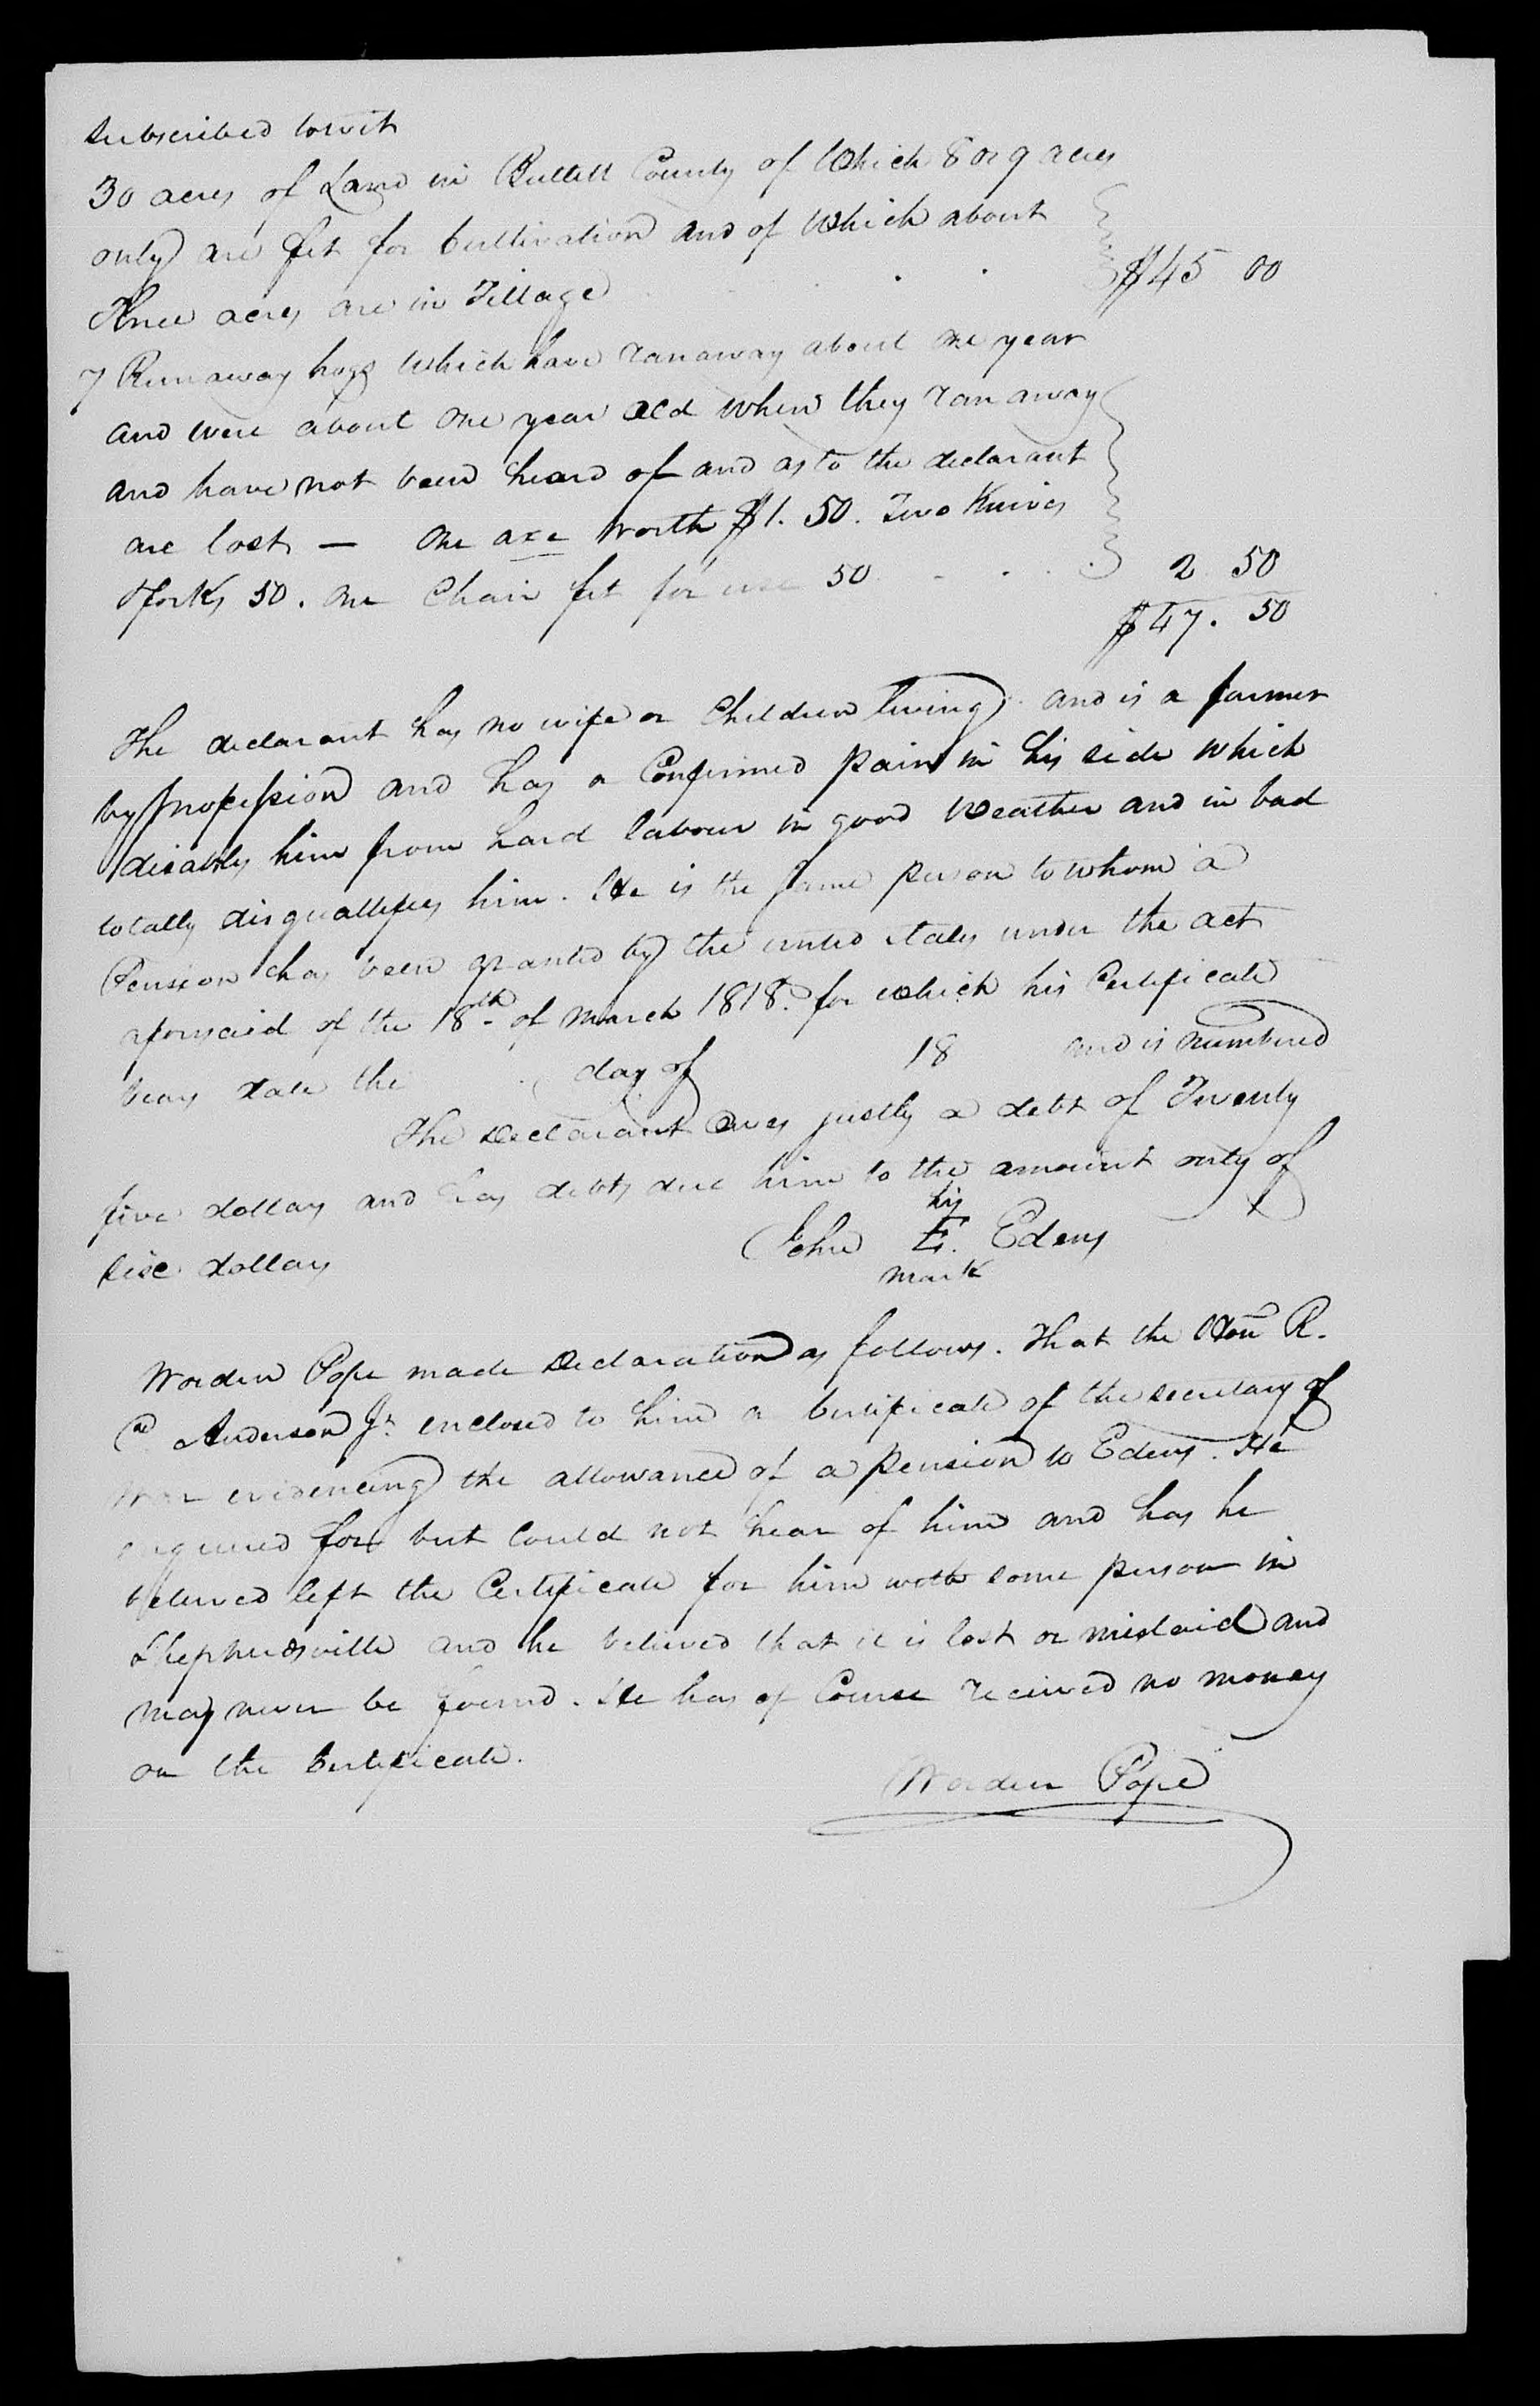subscribed to wit
30 acres of Land in Bullitt County of Which 8 or 9 acres only are fit for cultivation and of which about three acres are in Tillage $45.00
7 Runaway hogs which have ran away about the year and were about one years old when they ran away and have not been heard of and as to the declarant are lost-- one axe worth $1.50. Two knives & fork .50 one chair fit for use.50  2.50
$47.50

The declarant has no wife or children living and is a farmer by profession and hay a confirmed pain in his side which disables him from hard labour in good weather and in bad totally disqualify him. He is the same person to whom a Pension has been granted by the united States under the act aforesaid of the 18th of March 1818. for which his certificate was dated the --- day of 18-- and is numbered ----

The Declarant owes justly a debt of Twenty five dollars and has debts due him to the amount only of five dollars
John E Edens his mark [signature]

Worden Pope made declaration as follows. That the Hon R Anderson Jr enclosed to him a certificate of the secretary of war evidencing the allowance of a pension to Edens. He enquired for but could not hear of him and has he believed left the Certificate for him with some person in Shepherdsville and the believed that it is lost or mislaid and may never be found. He has of course received no money on the Certificate
Worden Pope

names: John Edens, Worden Pope, Worden Pope, R C Anderson, Edens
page: 8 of 14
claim: survivor's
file: S 35911, John Edens, S.C.